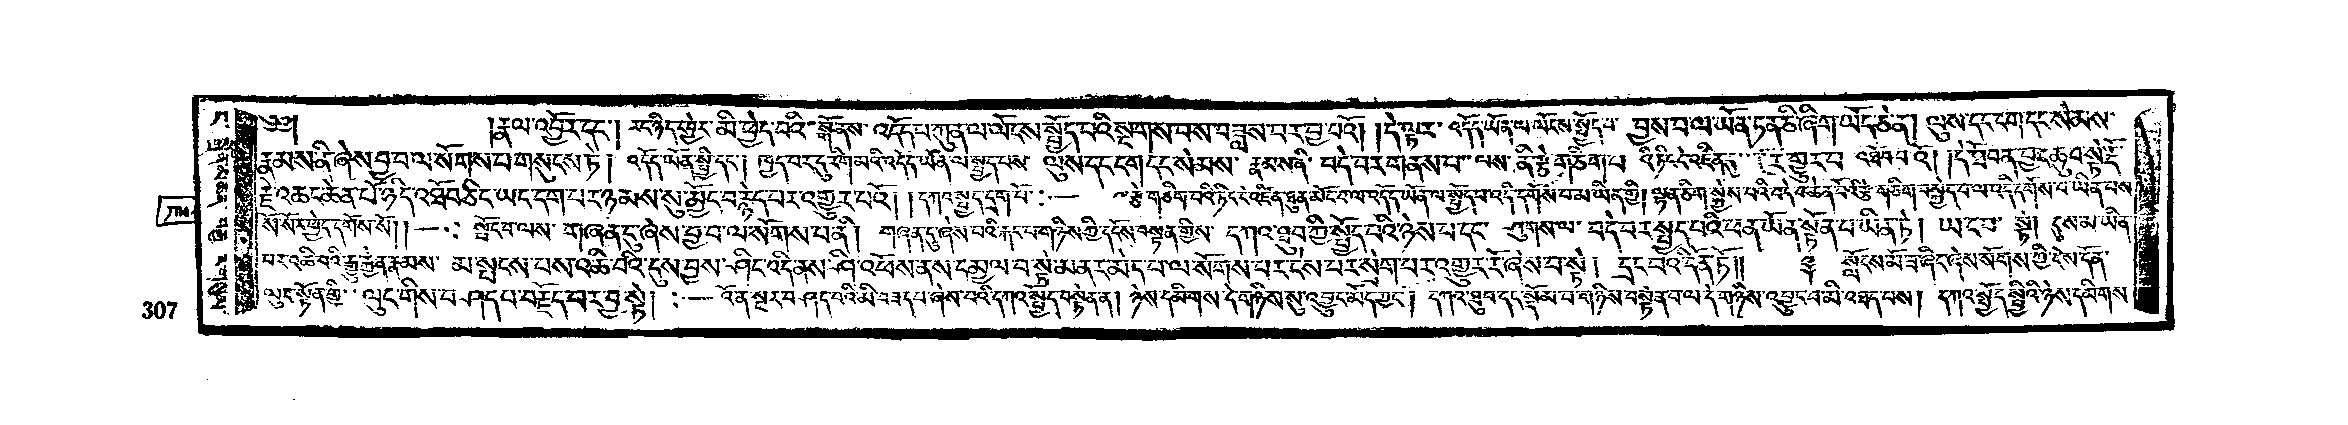༄༅། །རྣལ་འབྱོར་དང་། རང་ཉིད་དབྱེར་མི་ཕྱེད་པའི་སྒོ་ནས་འདོད་པ་ཀུན་ལ་ལོངས་སྤྱོད་པའི་སྔགས་པས་བཟླས་པར་བྱ་བའོ། །དེ་ལྟར་འདོད་ཡོན་ལ་ལོངས་སྤྱོད་པ་བྱས་པ་ལ་ཡོན་ཏན་ཅི་ཞིག་ཡོད་ཅེ་ན། ལུས་དང་ངག་དང་སེམས་
རྣམས་ནི་ཞེས་བྱ་བ་ལ་སོགས་པ་གསུངས་ཏེ། འདོད་ཡོན་སྤྱི་དང་། ཁྱད་པར་དུ་རིག་མའི་འདོད་ཡོན་ལ་སྤྱད་པས་ལུས་དང་ངག་དང་སེམས་རྣམས་ནི་བདེ་བར་གནས་པ་ལས་ནི་རྩེ་གཅིག་པའི་ཏིང་ངེ་འཛིན་དུ་ར་གྱུར་པ་འཐོབ་པའོ། །དེ་ཐོབ་ན་བྱང་ཆུབ་སྟེ་རྡོ་
རྗེ་འཆང་ཆེན་པོ་ཉིད་འཐོབ་ཅིང་ཡང་དག་པར་ཉམས་སུ་མྱོང་བ་རྙེད་པར་འགྱུར་པའོ། །དཀའ་སྤྱད་དྲག་པོཿ་༧རྩེ་གཅིག་པའི་ཏིང་ངེ་འཛིན་ཐུན་མོང་བ་ལ་འདོད་ཡོན་ལ་སྤྱོད་པ་འདི་དགོས་པ་མ་ཡིན་གྱི། ལྷན་ཅིག་སྐྱེས་པའི་བདེ་བ་ཆེན་པོའི་རྩེ་གཅིག་བསྐྱེད་པ་ལ་འདི་དགོས་པ་ཡིན་པས་
སོ་སོར་ཕྱེད་དགོས་སོ།།.Hསྤོང་བ་ལས་གཞན་དུ་ཞེས་བྱ་བ་ལ་སོགས་པ་ནི། གཞན་དུ་ཞེས་པའི་རྐང་པ་གཉིས་ཀྱི་དངོས་བསྟན་གྱིས་དཀའ་ཐུབ་ཀྱི་སྤྱོད་པའི་ཉེས་པ་དང་ཤུགས་ལ་བདེ་བར་སྤྱད་པའི་ཕན་ཡོན་སྟོན་པ་ཡིན་ཏེ། ཡ་ང་བ་སྟེ། དུས་མ་ཡིན་
པར་འཆི་བའི་རྒྱུ་རྐྱེན་རྣམས་མ་སྤངས་པས་འཆི་བའི་དུས་བྱས་ཤིང་འདི་ནས་ཤི་འཕོས་ནས་དམྱལ་བ་སྟེ་མནར་མེད་པ་ལ་སོགས་པར་ངེས་པར་སྲེག་པར་འགྱུར་རོ་ཞེས་པ་སྟེ། དྲང་བའི་དོན་ཏོ།། ༈ སློངས་མོ་ཟ་ཞིང་ཞེས་སོགས་ཀྱི་ངེས་དོན་དོན་ཏོ།། ༈ སློངས་མོ་ཟ་ཞིང་ཞེས་སོགས་ཀྱི་ངེས་དོན་
ལུང་སྟོན་གྱི་ལུང་གིས་བཤད་པ་བརྗོད་པར་བྱ་སྟེ། H.་འོ་ན་སྔར་བཤད་པའི་མི་བཟད་པ་ཞེས་པའི་དཀའ་སྤྱོད་བསྟེན་ན། ཉེས་དམིགས་དེ་གཉིས་སུ་འབྱུང་མོད་ཀྱང་། དཀའ་ཐུབ་དང་སྡོམ་པ་གཉིས་བསྟེན་པ་ལ་དེ་གཉིས་འབྱུང་བ་མི་འཐད་བས། དཀའ་སྤྱོད་སྤྱིའི་ཉེས་དམིགས་